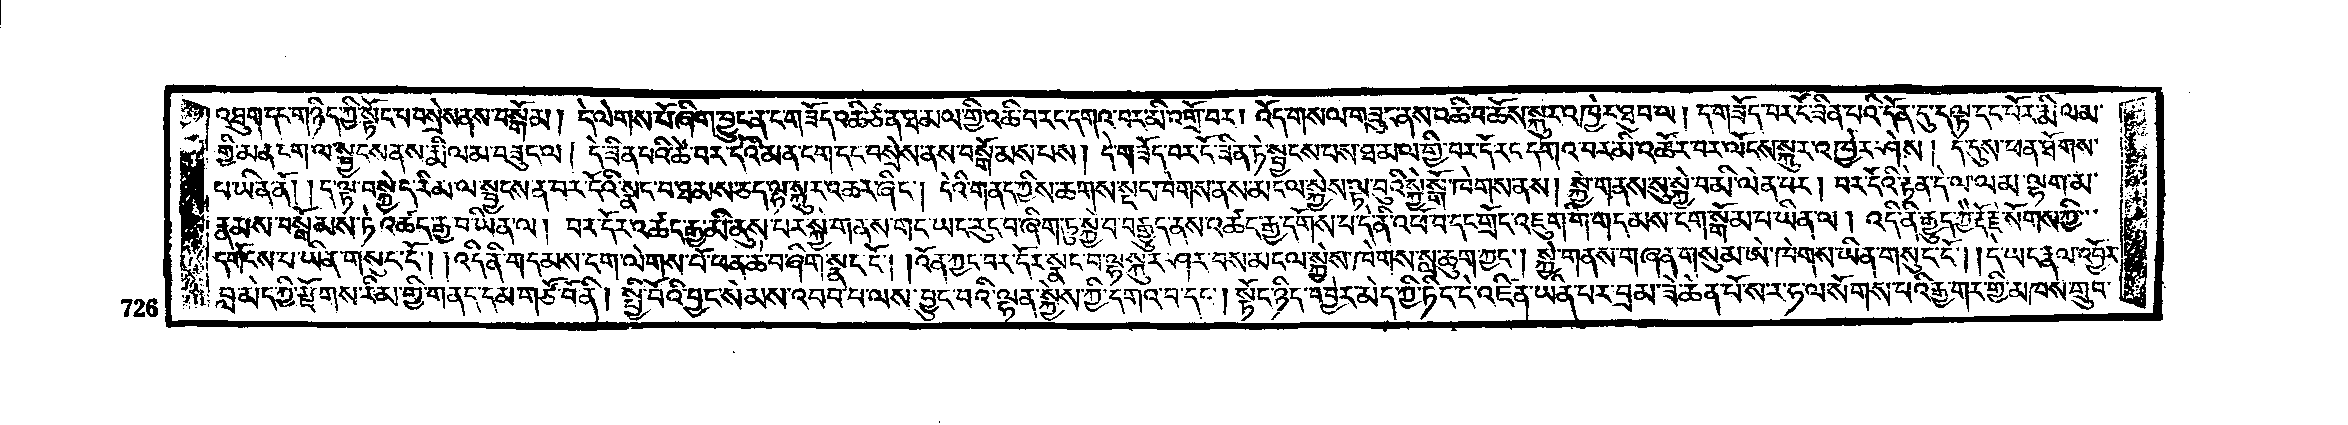འཐུག་དང་གཉིད་ཀྱི་སྟོང་པ་བསྲེས་ནས་བསྒོམ། དེ་ལེགས་པོ་ཞིག་བྱུང་ན་ད་གཟོད་འཆི་ཙ་ན་ཐ་མལ་གྱི་འཆི་བ་རང་དགའ་བར་མི་འགྲོ་བར། འོད་གསལ་གཟུང་ནས་འཆི་བ་ཆོས་སྐུར་འཁྱེར་ཐུབ་ལ། ད་གཟོད་བར་དོ་ཟིན་པའི་དོན་དུ་ད་ལྟ་དང་པོར་རྨི་ལམ་
གྱི་མན་ངག་ལ་སྦྱངས་ནས་རྨི་ལམ་བཟུང་ལ། དེ་ཟིན་པའི་ཚེ་བར་དོའི་མན་ངག་དང་བསྲེས་ནས་བསྒོམས་པས། ད་གཟོད་བར་དོ་ཟིན་ཏེ་སྦྱངས་པས་ཐ་མལ་གྱི་བར་དོ་རང་དགའ་བར་མི་འཆོར་བར་ལོངས་སྐུར་འཁྱེར་ཤེས། དེ་དུས་ཕན་ཐོགས་
པ་ཡིན་ནོ། །ད་ལྟ་བསྐྱེད་རིམ་ལ་སྦྱངས་ན་བར་དོའི་སྣང་བ་ཐམས་ཅད་ལྷ་སྐུར་འཆར་ཞིང་། དེའི་གནད་ཀྱིས་ཆགས་སྡང་ཁེགས་ནས་མངལ་སྐྱེས་ལྟ་བུའི་སྐྱེ་སྒོ་ཁེགས་ནས། སྐྱེ་གནས་སུ་སྐྱེ་བ་མི་ལེན་པར། བར་དོའི་རྟེན་དེ་ལ་ལམ་ལྷག་མ་
རྣམས་བསྒོམས་ཏེ་འཚང་རྒྱ་བ་ཡིན་ལ། བར་དོར་འཚང་རྒྱ་མི་ནུས་པར་སྐྱེ་གནས་གང་ཡང་རུང་བ་ཞིག་ཏུ་སྐྱེ་བ་བརྒྱུད་ནས་འཚང་རྒྱ་དགོས་པ་དེ་ནི་འཕོ་བ་དང་གྲོང་འཇུག་གི་གདམས་ངག་སྒོམ་པ་ཡིན་ལ། འདི་ནི་རྒྱུད་ཀྱཻ་རྡོ་རྗེ་སོགས་ཀྱི་
དགོངས་པ་ཡིན་གསུང་ངོ། །འདི་ནི་གདམས་ངག་ལེགས་པོ་ཕན་ཆེ་བ་ཞིག་སྣང་ངོ། །འོན་ཀྱང་བར་དོར་སྣང་བ་ལྷ་སྐུར་ཤར་བས་མངལ་སྐྱེས་ཁེགས་སླ་ཆུག་ཀྱང་། སྐྱེ་གནས་གཞན་གསུམ་ཨེ་ཁེགས་ཡིན་གསུང་ངོ། །དེ་ཡང་རྣལ་འབྱོར་
བླ་མེད་ཀྱི་རྫོགས་རིམ་གྱི་གནད་དམ་གཙོ་བོ་ནི། སྤྱི་བོའི་བྱང་སེམས་འབབ་པ་ལས་བྱུང་བའི་ལྷན་སྐྱེས་ཀྱི་དགའ་བ་དང་། སྟོང་ཉིད་དབྱེར་མེད་ཀྱི་ཏིང་ངེ་འཛིན་ཡིན་པར་བྲམ་ཟེ་ཆེན་པོ་ས་ར་ཧ་ལ་སོགས་པའི་རྒྱ་གར་གྱི་མཁས་གྲུབ་